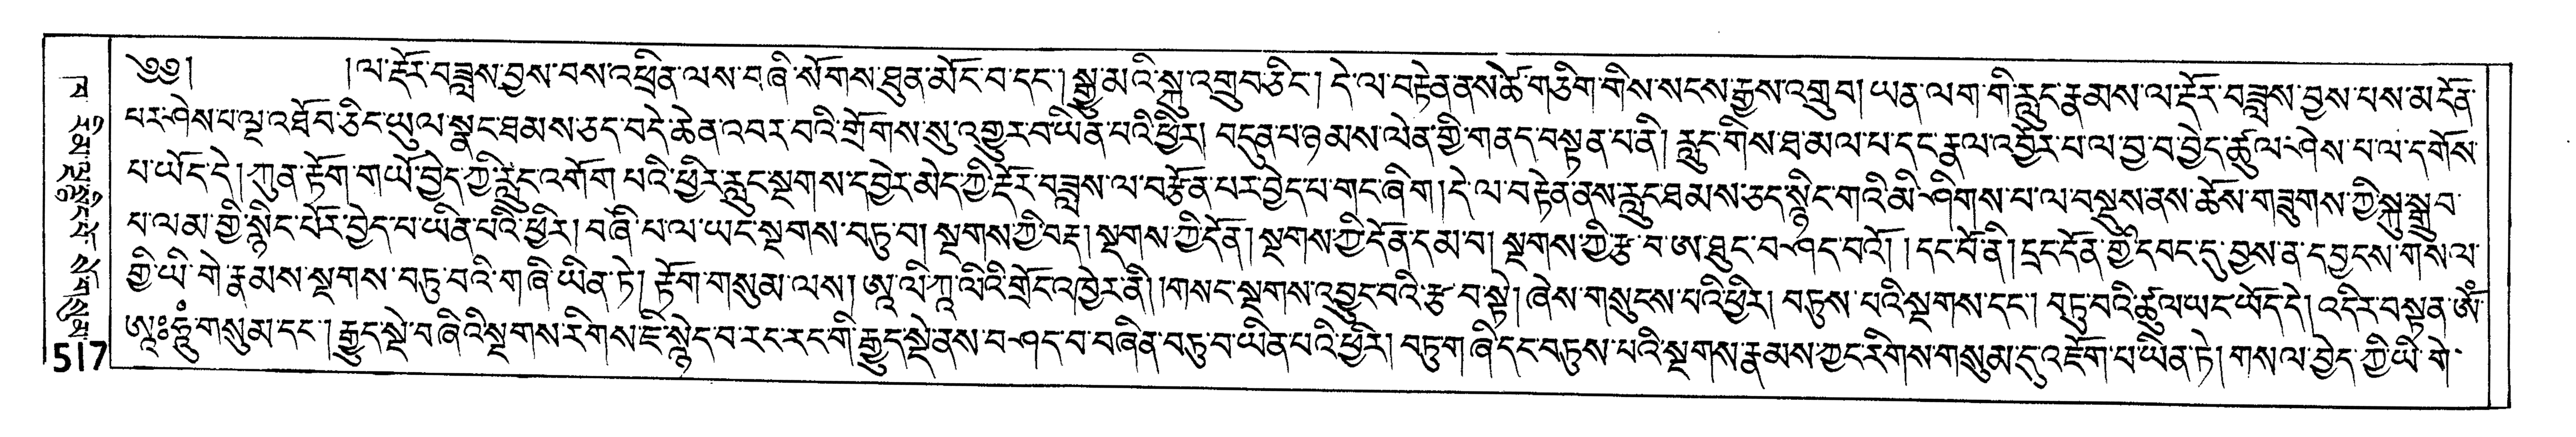༄༅། །ལ་རྡོར་བཟླས་བྱས་བས་འཕྲིན་ལས་བཞི་སོགས་ཐུན་མོང་བ་དང་། སྒྱུ་མའི་སྐུ་འགྲུབ་ཅིང་། དེ་ལ་བརྟེན་ནས་ཚེ་གཅིག་གིས་སངས་རྒྱས་འགྲུབ། ཡན་ལག་གི་རླུང་རྣམས་ལ་རྡོར་བཟླས་བྱས་པས་མངོན་
པར་ཤེས་པ་ལྔ་འཐོབ་ཅིང་ཡུལ་སྣང་ཐམས་ཅད་བདེ་ཆེན་འབར་བའི་གྲོགས་སུ་འགྱུར་བ་ཡིན་པའི་ཕྱིར། བདུན་པ་ཉམས་ལེན་གྱི་གནད་བསྟན་པ་ནི། རླུང་གིས་ཐ་མལ་པ་དང་རྣལ་འབྱོར་པ་ལ་བྱ་བ་བྱེད་ཚུལ་ཤེས་པ་ལ་དགོས་
པ་ཡོད་དེ། ཀུན་རྟོག་གཡོ་བྱེད་ཀྱི་རླུང་འགོག་པའི་ཕྱིར་རླུང་སྔགས་དབྱེར་མེད་ཀྱི་རྡོར་བཟླས་ལ་བརྩོན་པར་བྱེད་པ་གང་ཞིག །དེ་ལ་བརྟེན་ནས་རླུང་ཐམས་ཅད་སྙིང་གའི་མི་ཤིགས་པ་ལ་བསྡུས་ནས་ཆོས་གཟུགས་ཀྱི་སྐུ་སྒྲུབ་
པ་ལམ་གྱི་སྙིང་པོར་བྱེད་པ་ཡིན་པའི་ཕྱིར། བཞི་པ་ལ་ཡང་སྔགས་བཏུ་བ། སྔགས་ཀྱི་བརྡ། སྔགས་ཀྱི་དོན། སྔགས་ཀྱི་དོན་དམ་བ། སྔགས་ཀྱི་རྩ་བ་ཨ་ཐུང་བཤད་པའོ། །དང་པོ་ནི། དྲང་དོན་གྱི་དབང་དུ་བྱས་ན་དབྱངས་གསལ་
གྱི་ཡི་གེ་རྣམས་སྔགས་བཏུ་བའི་གཞི་ཡིན་ཏེ། རྟོག་གསུམ་ལས། ཨཱ་ལི་ཀཱ་ལིའི་གྲོང་འཁྱེར་ནི། །གསང་སྔགས་འབྱུང་བའི་རྩ་བ་སྟེ། ཞེས་གསུངས་པའི་ཕྱིར། བཏུས་པའི་སྔགས་དང་། བཏུ་བའི་ཚུལ་ཡང་ཡོད་དེ། འདིར་བསྟན་ཨོཾ་
ཨཱཿ ཧཱུཾ་གསུམ་དང་། རྒྱུད་སྡེ་བཞིའི་སྔགས་རིགས་ཇི་སྙེད་བ་རང་རང་གི་རྒྱུད་སྡེ་ནས་བཤད་བ་བཞིན་བཏུ་བ་ཡིན་པའི་ཕྱིར། བཏུ་གཞི་དང་བཏུས་པའི་སྔགས་རྣམས་ཀྱང་རིགས་གསུམ་དུ་འཇོག་པ་ཡིན་ཏེ། གསལ་བྱེད་ཀྱི་ཡི་གེ་